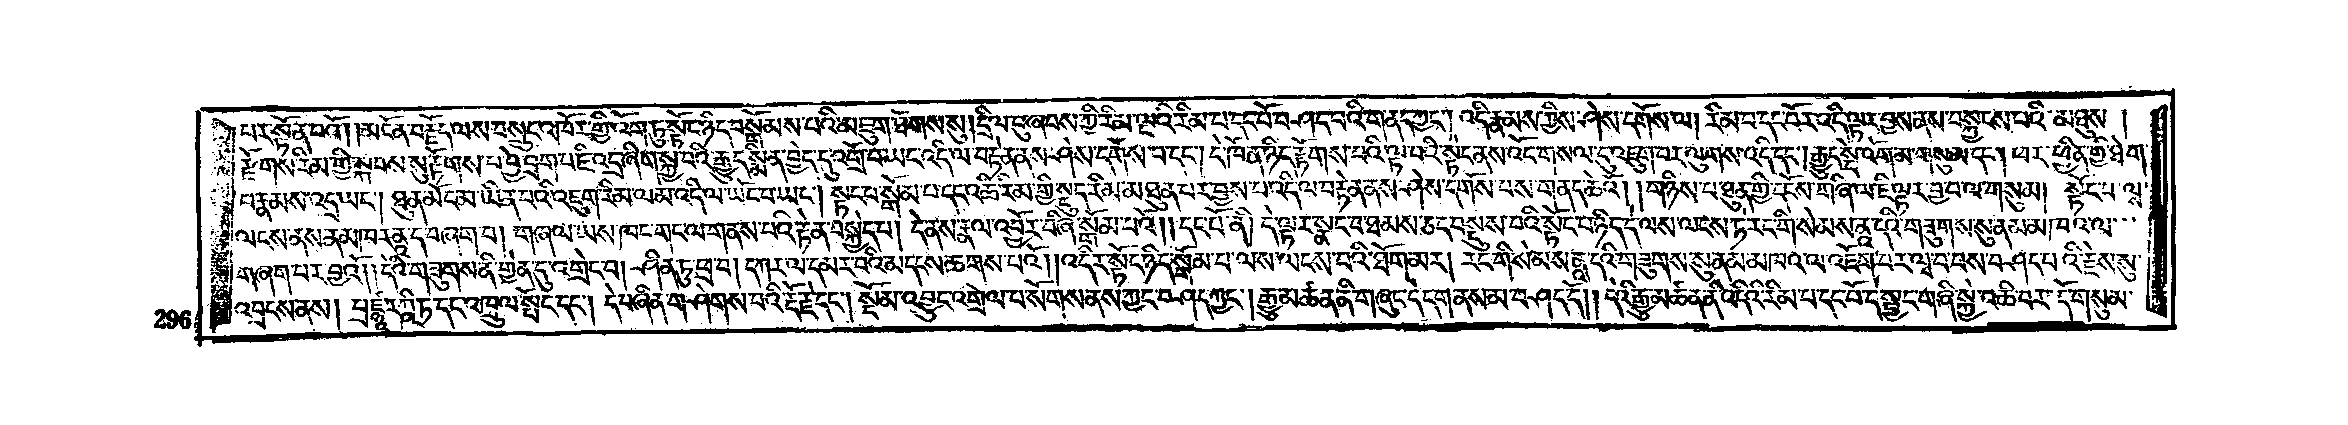པར་སྟོན་པའོ། །མངོན་བརྗོད་ལས་བསྲུང་འཁོར་གྱི་འོག་ཏུ་སྟོང་ཉིད་བསྒོམས་པའི་མཇུག་ཐོགས་སུ། དྲིལ་བུ་ཞབས་ཀྱི་རིམ་ལྔའི་རིམ་པ་དང་པོ་བཤད་པའི་གནད་ཀྱང་། འདི་རྣམས་ཀྱིས་ཤེས་དགོས་ལ། རིམ་པ་དང་པོར་འདི་ལྟར་བྱས་ནས་བསྐྱངས་པའི་མཐུས།
རྫོགས་རིམ་གྱི་སྐབས་སུ་རྟོགས་པ་བྱེ་བྲག་པ་ཇི་འདྲ་ཞིག་སྐྱེ་བའི་རྒྱུད་སྨིན་བྱེད་དུ་འགྲོ་བ་ཡང་འདི་ལ་བརྟེན་ནས་ཤེས་དགོས་པ་དང་། དེ་ཁོ་ན་ཉིད་རྟོགས་པའི་ལྟ་བའི་སྟེང་ནས་འོད་གསལ་དུ་འཇུག་པར་ལུགས་འདི་དང་། རྒྱུད་སྡེ་འོག་མ་གསུམ་དང་། ཕར་ཕྱིན་གྱི་ཐེག་
པ་རྣམས་འདྲ་ཡང་། ཐུན་མོང་མ་ཡིན་པའི་འཇུག་རིམ་ལམ་འདི་ལ་ཡོད་པ་ཡང་། སྟོང་པ་སྒོམ་པ་དང་འཆི་རིམ་གྱི་སྡུད་རིམ་མཐུན་པར་བྱས་པ་འདི་ལ་བརྟེན་ནས་ཤེས་དགོས་པས་གནད་ཆེའོ། །གཉིས་པ་ཐུན་གྱི་དངོས་གཞི་ལ་ཇི་ལྟར་བྱ་བ་ལ་གསུམ། སྟོང་པ་ལས་
ལངས་ནས་ནམ་མཁར་ནཱ་དེ་བཞག་པ། གཞལ་ཡས་ཁང་གང་ལ་གནས་པའི་རྟེན་བསྐྱེད་པ། དེ་ནས་རྣལ་འབྱོར་བཞི་སྒོམ་པའོ། །དང་པོ་ནི། དེ་ལྟར་སྣང་བ་ཐམས་ཅད་བསྡུས་པའི་སྟོང་པ་ཉིད་དེ་ལས་ལངས་ཏེ་རང་གི་སེམས་ནཱ་དེའི་གཟུགས་སུ་ནམ་མཁའ་ལ་
གཞག་པར་བྱའོ། །དེའི་གཟུགས་ནི་གྱེན་དུ་འགྲེང་བ། ཤིན་ཏུ་ཕྲ་བ། དཀར་ལ་དམར་བའི་མདངས་ཆགས་པའོ། །འདིར་སྟོང་ཉིད་སྒོམ་པ་ལས་ལངས་པའི་ཐོག་མར། རང་གི་སེམས་ནཱ་དེའི་གཟུགས་སུ་ནམ་མཁའ་ལ་འཇོག་པར་ལྭ་བ་པས་བཤད་པའི་རྗེས་སུ་
འབྲངས་ནས། པྲཛྙཱ་རཀྵི་ཏ་དང་འཁྲུལ་སྤོང་དང་། དེ་བཞིན་གཤེགས་པའི་རྡོ་རྗེ་དང་། སྡོམ་འབྱུང་འགྲེལ་པ་སོགས་ནས་ཀྱང་བཤད་ཀྱང་། རྒྱུ་མཚན་ནི་གཞུང་དེ་དག་ནས་མ་བཤད་དོ། །དེའི་རྒྱུ་མཚན་ནི་འདིའི་རིམ་པ་དང་པོ་དེ་སྦྱང་གཞི་སྐྱེ་འཆི་བར་དོ་གསུམ་